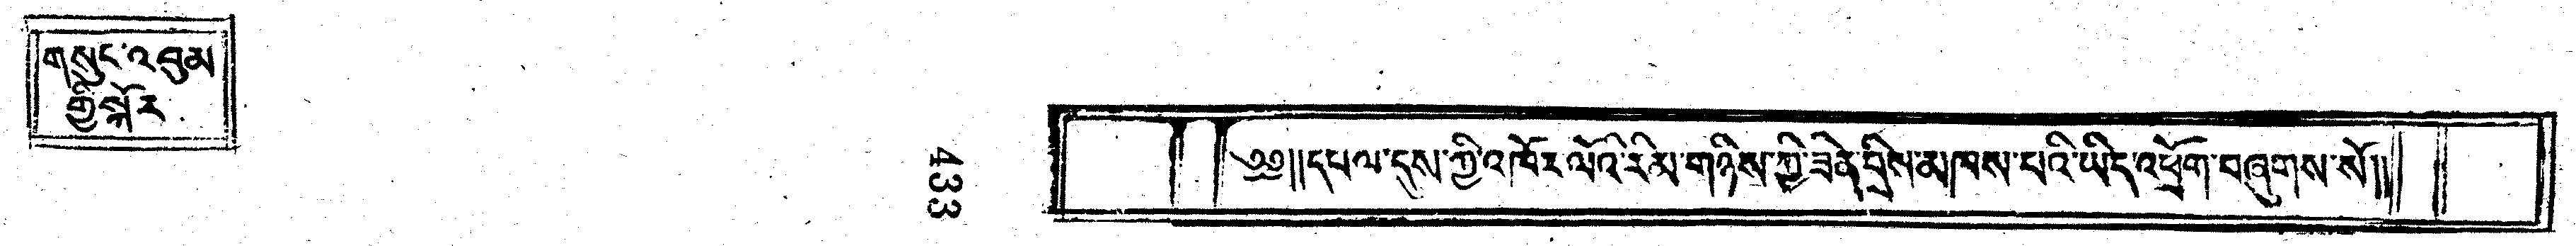༄༅། །དཔལ་དུས་ཀྱི་འཁོར་ལོའི་རིམ་གཉིས་ཀྱི་ཟིན་བྲིས་མཁས་པའི་ཡིད་འཕྲོག་བཞུགས་སོ།།